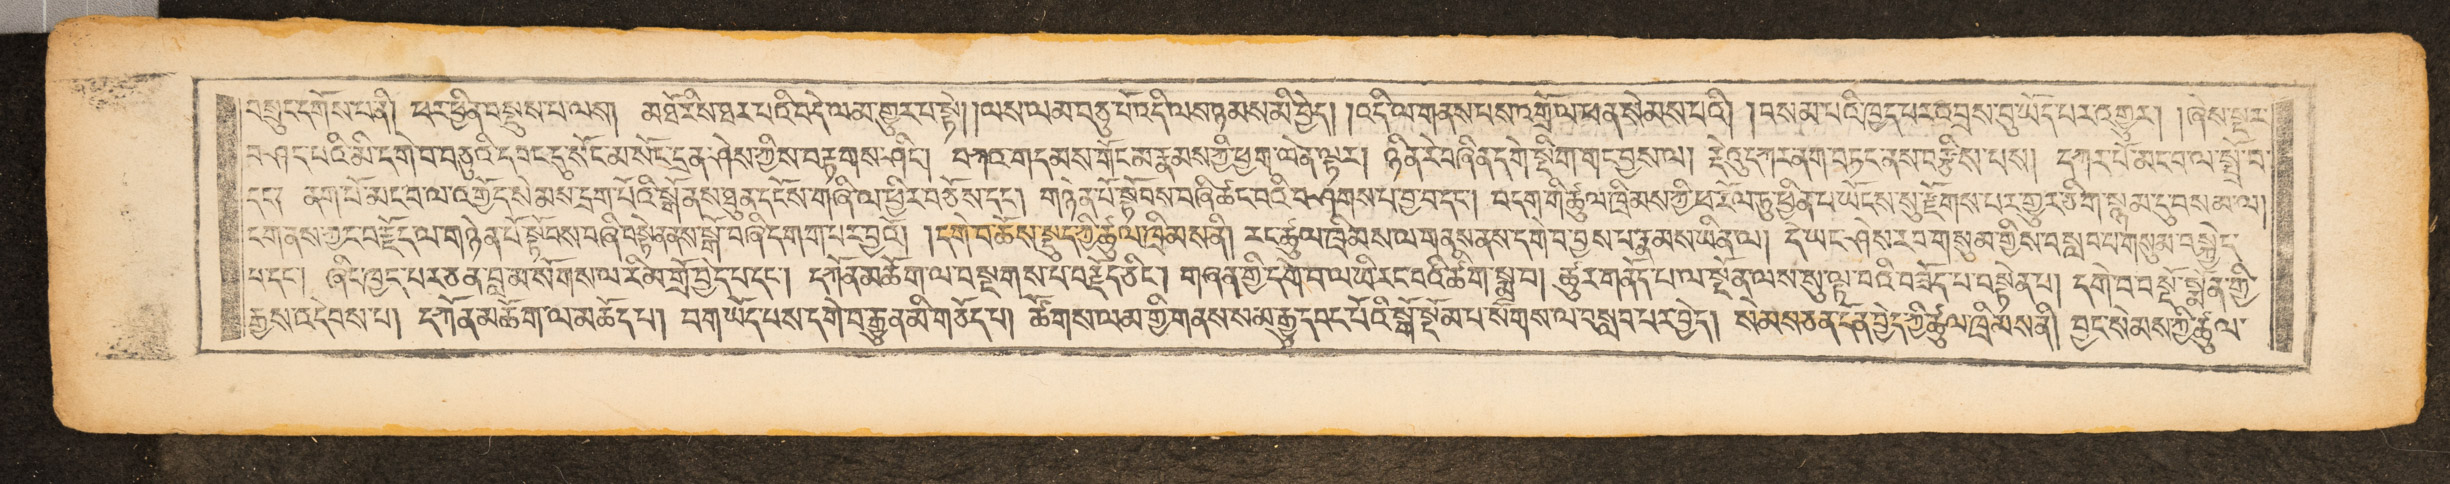བསྲུང་དགོས་པ་ནི། ཕར་ཕྱིན་བསྡུས་པ་ལས། མཐོ་རིས་ཐར་པའི་བདེ་ལམ་གྱུར་པ་སྟེ། །ལས་ལམ་བཅུ་པོ་འདི་ལས་ཉམས་མི་བྱེད། །འདི་ལ་གནས་པས་འགྲོ་ལ་ཕན་སེམས་པའི། །བསམ་པའི་ཁྱད་པར་འབྲས་བུ་ཡོད་པར་འགྱུར། །ཞེས་སྔར་
བཤད་པའི་མི་དགེ་བ་བཅུའི་དབང་དུ་སོང་མ་སོང་དྲན་ཤེས་ཀྱིས་བརྟགས་ཤིང་། བཀའ་གདམས་གོང་མ་རྣམས་ཀྱི་ཕྱག་ལེན་ལྟར། ཉིན་རེ་བཞིན་དགེ་སྡིག་གང་བྱས་ལ། རྡེའུ་དཀར་ནག་བཏང་ནས་བརྩིས་པས། དཀར་པོ་མང་བ་ལ་སྤྲོ་བ་
དང༑ ནག་པོ་མང་བ་ལ་འགྱོད་སེམས་དྲག་པོའི་སྒོ་ནས་ཐུན་དངོས་གཞི་ལ་ཕྱིར་བཅོས་དང་། གཉེན་པོ་སྟོབས་བཞི་ཚང་བའི་བཤགས་པ་བྱ་བ་དང་། བདག་གི་ཚུལ་ཁྲིམས་ཀྱི་ཕ་རོལ་ཏུ་ཕྱིན་པ་ཡོངས་སུ་རྫོགས་པར་གྱུར་ཅིག་སྙམ་དུ་བསམ་ལ།
ངག་ནས་ཀྱང་བརྗོད་ལ་གཉེན་པོ་སྟོབས་བཞི་བསྟེན་ནས་སྒོ་བཞི་དགག་པར་བྱའོ། །དགེ་བ་ཆོས་སྡུད་ཀྱི་ཚུལ་ཁྲིམས་ནི། རང་ཚུལ་ཁྲིམས་ལ་གནས་ནས་དགེ་བ་བྱས་པ་རྣམས་ཡིན་ལ། དེ་ཡང་ཤེས་རབ་གསུམ་གྱིས་བསླབ་པ་གསུམ་བསྐྱེད་
པ་དང་། ཞིང་ཁྱད་པར་ཅན་བླ་མ་སོགས་ལ་རིམ་གྲོ་བྱེད་པ་དང་། དཀོན་མཆོག་ལ་བསྔགས་པ་བརྗོད་ཅིང་། གཞན་གྱི་དགེ་བ་ལ་ཡི་རང་བའི་ཚིག་སྨྲ་བ། ཚུར་གནོད་པ་ལ་སྔོན་ལས་སུ་ལྟ་བའི་བཟོད་པ་བསྟེན་པ། དགེ་བ་བསྔོ་སྨོན་གྱི་
རྒྱས་འདེབས་པ། དཀོན་མཆོག་ལ་མཆོད་པ། བག་ཡོད་པས་དགེ་བ་རྒྱུན་མི་གཅོད་པ། ཚོགས་ལམ་གྱི་གནས་སམ་རྒྱུ་དབང་པོའི་སྒོ་སྡོམ་པ་སོགས་ལ་བསླབ་པར་བྱེད། སེམས་ཅན་དོན་བྱེད་ཀྱི་ཚུལ་ཁྲིམས་ནི། བྱང་སེམས་ཀྱི་ཚུལ་